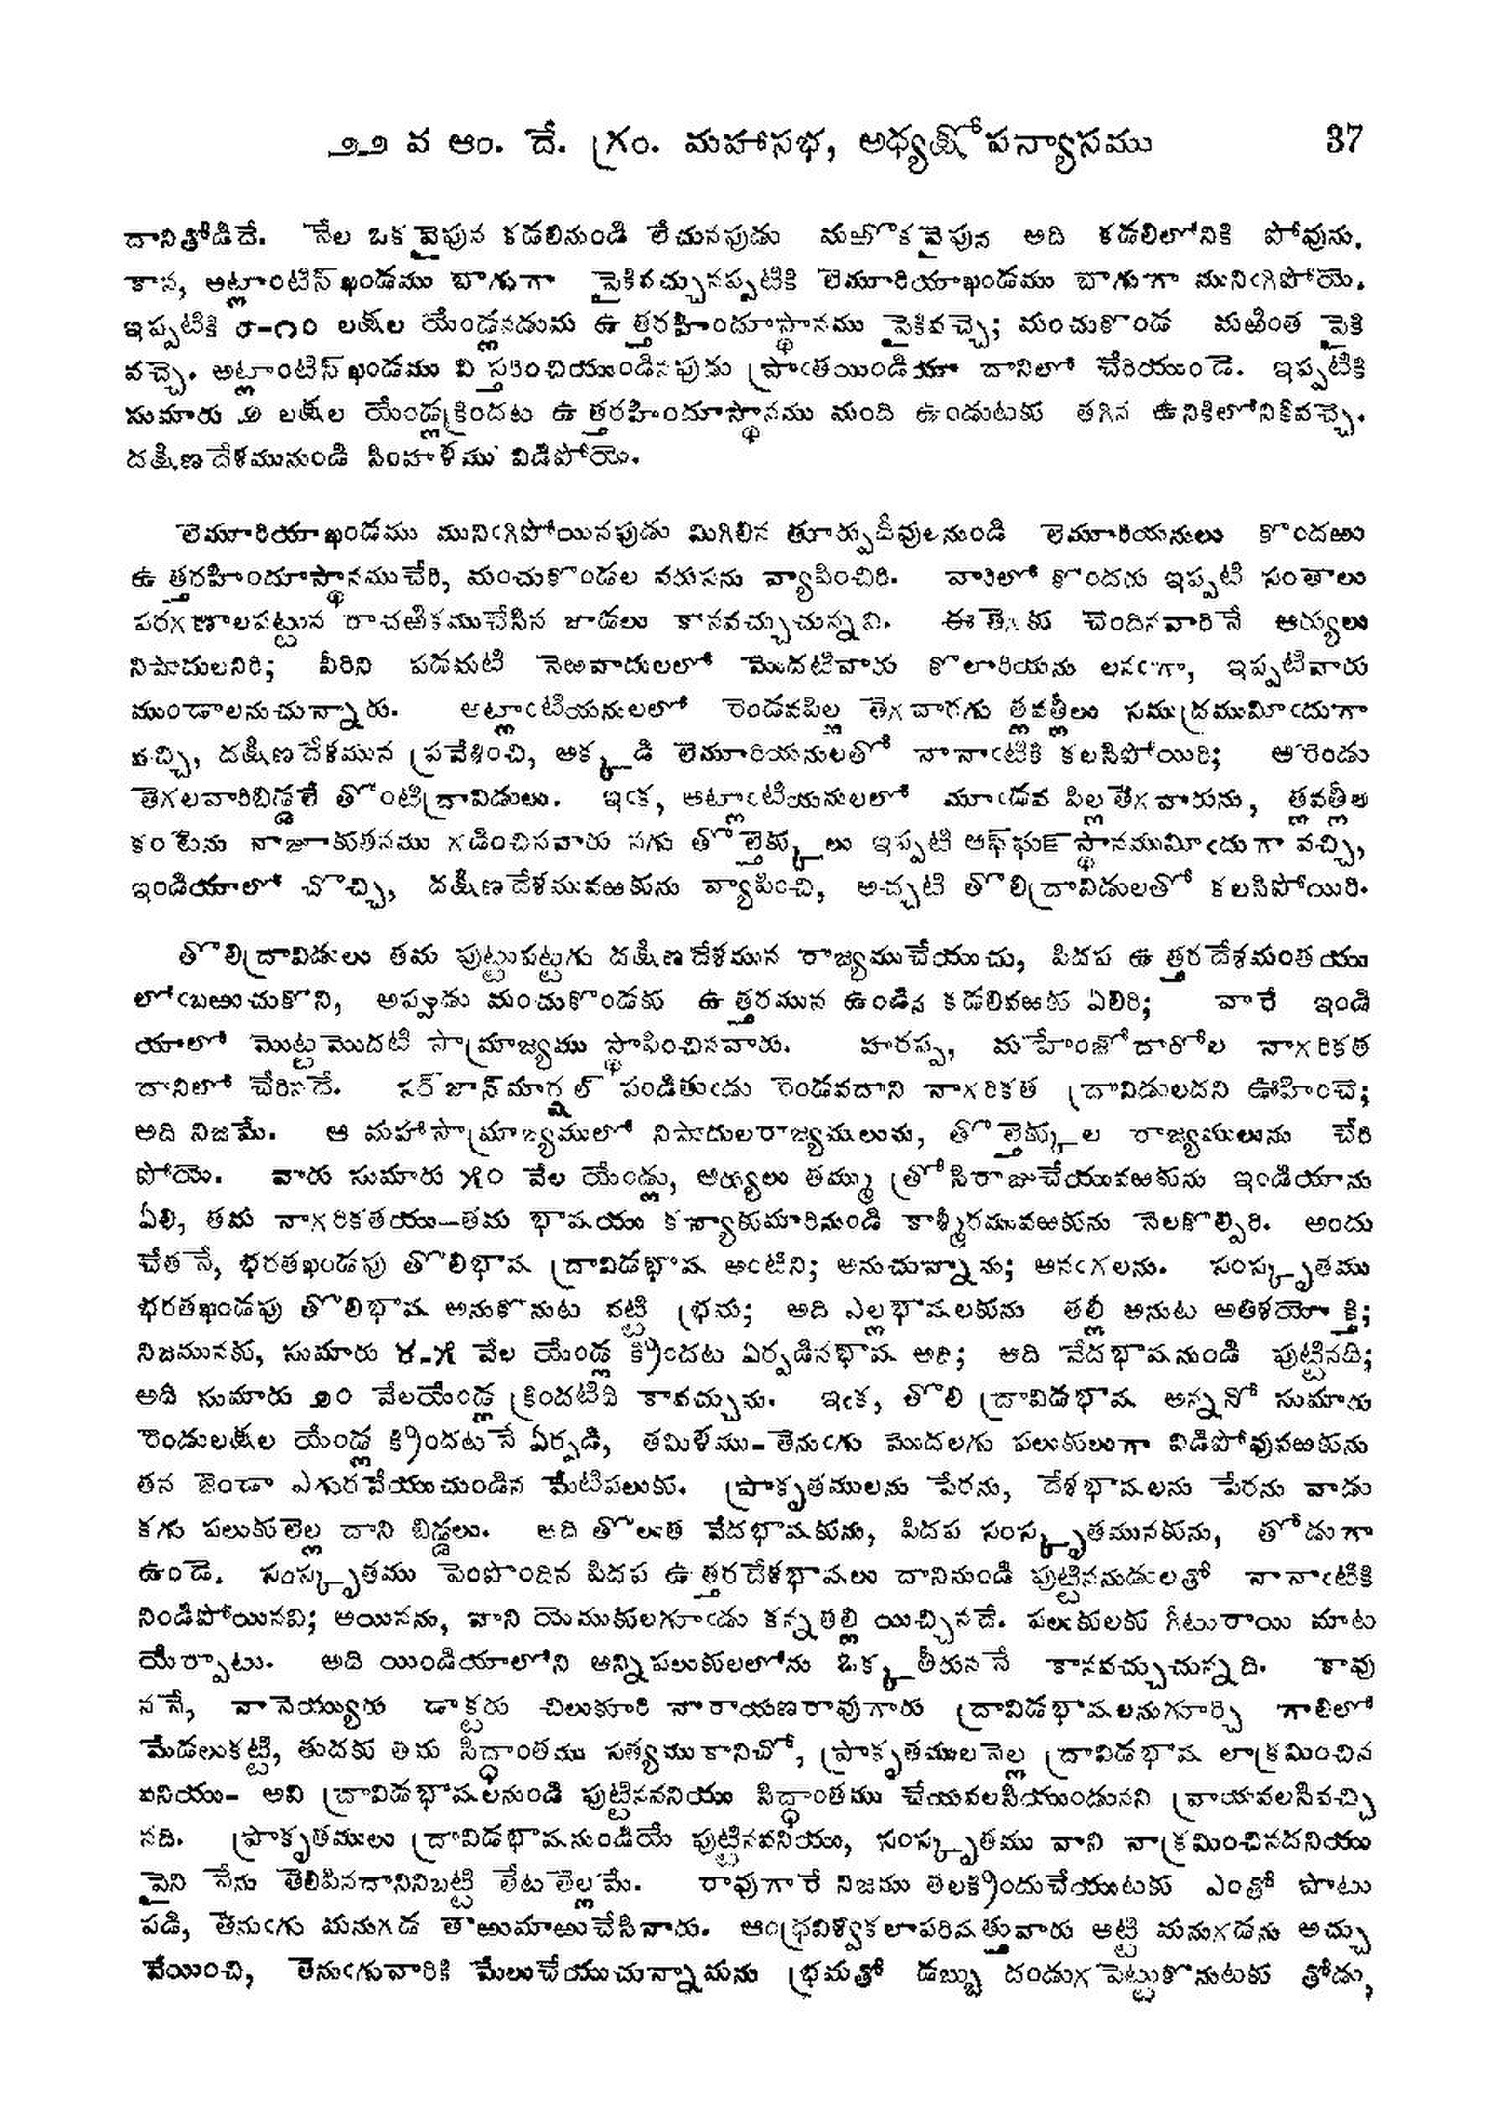దానితోడిదే. 'నేల ఒక వైపున కడలినుండి లేచునపుడు మరొకవైపున అది కడలిలోనికి పోవును. కాన, అట్లాంటిస్ ఖండము
బాగుగా పైకివచ్చునప్పటికీ లెమూరియాఖండము బాగుగా మునిఁగిపోయె. ఇప్పటికి రా-౧౦ లక్షల యేండ్లనడుమ 
ఈత్తరహిందూస్థానము పైకివచ్చె; మంచుకొండ వచ్చె. అట్లాంటిస్ ఖండము విస్తరించియుండినపుడు ప్రాతయిండియా దానిలో 
చేరియుండె. ఇప్పటికి సుమారు అ లక్షల యేండ్ల క్రిందట ఉత్తరహిందూస్థానము మంది ఉండుటకు తగిన ఉనికిలోనికివచ్చె.
దక్షిణదేశమునుండి సింహళము విడిపోయె.

లేమూరియా ఖండము మునిఁగిపోయినపుడు మిగిలిన తూర్పు దీవులనుండి లెమూరియనులు కొందఱు ఉత్తరహిందూస్థానము 
చేరి, మంచుకొండల వరుసను వ్యాపించిరి. వారిలో కొందరు ఇప్పటి సంతాలు పర్యణాలపట్టున రాచఱికముచేసిన జాడలు కానవచ్చుచున్నవి. ఈతెకు చెందినవారినే ఆర్యులు నిషాదులనిరి; వీరిని పడమటి నెఱవాదులలో మొదటివారు కొలారియను
లనఁగా, ఇప్పటివారు ము౦డాలనుచున్నారు. అట్లాఁటియనులలో రెండవపిల్ల తెగవారగు త్లవసముద్రముమీఁదుగా
వచ్చి, దక్షిణదేశమున ప్రవేశించి, అక్కడి లెమూరియనులతో నానాఁటికి కలసిపోయిరి; ఆరెండు తెగలవారిబిడ్డలే 
తొంటిద్రావిడులు. ఇక, అట్లాఁటియనులలో మూఁడవ పిల్లతెగవారును, త్లవత్లలు కంటేను నాజూకుతనము గడించినవారు 
నగు తోలెైక్కులు ఇప్పటి ఆఫ్ఘన్ స్థానముమీఁదుగా వచ్చి, ఇండియాలో చొచ్చి, దక్షిణదేశమువఱకును వ్యాపించి, అచ్చటి 
తోలిద్రావిడులతో కలిసిపోయిరి.

తొలి ద్రావిడులు తమ పుట్టుపట్టగు దక్షిణదేశమున రాజ్యముచేయుచు, పిదప ఉత్తరదేశమంతయు లోబరుచుకుని, అప్పుడు 
మంచుకొండకు ఉత్తరమున ఉండిన కడలివఱకు ఎలిరి; వారే ఇండియాలో మొట్టమొదటి సామ్రాజ్యము స్థాపించినవారు. 
హరప్ప, మహేంజోదారో నాగరికతల చేరినదే. సర్ జాన్ మార్షల్ పండితుఁడు రెండవదాని నాగరికత ద్రావిడులదని ఊహించే;
అది నిజమే. ఆ మహాసామ్రాజ్యములో నిషాదులరాజ్యములును, తొలైక్కుల రాజ్యములును చేరిపోయె. వారు సుమారు 
౫౦ వేల యేండ్లు, ఆర్యులు తమ్ము త్రోసిరాజును చేయువఱకును ఇండియాను ఏలి, తమ నాగరికతయు - తమ 
భాషయు కన్యాకుమారినుండి కాశ్మీరమువఱకును నెలకొల్పిరి. అందుచేతనే, భరతఖండపు తొలిభాష ద్రావిడభాష అంటిని; 
అనుచున్నాను; అనఁగలను. సంస్కృతము భరతఖండపు తొలిభాష అనుకొనుట వట్టి భ్రమ; అది ఎల్ల భాషలకును తల్లీ 
అనుట అతిశయోక్తి; నిజమునకు, సుమారు ౪-౫ వేల యేండ్ల కిందట ఏర్పడిన భాష అధి; అది వేదభాష నుండి 
పుట్టినది; అదీ సుమారు 20 వేలయేండ్ల క్రిందటివి కావచ్చును. ఇఁక, తొలి ద్రావిడభాష అన్ననో సుమారు రెండులక్షల 
యేండ్ల క్రిందటనే ఏర్పడి, తమిళము - తెనుఁగు మొదలగు పలుకులుగా విడిపోవునఱకును తన జెండా ఎగురవేయుచుండిన 
మేటిపలుకు. ప్రాకృతములను పేరను, దేశభాషలను పేర్లను వాడుకగు పలుకులెల్ల దాని బిడ్డలు. అది తొలుత వేదభాషకును, 
పిదప సంస్కృతమునకును, తోడుగా ఉండె. సంస్కృతము పెంపొందిన పిదప ఉత్తర దేశభావులు దానినుండి పుట్టిననుడులతో 
నానాఁటికి నిండిపోయినవి; అయినను, వాని యెముకులగూఁడు కన్నతల్లి యిచ్చినదే. పలుకులకు గీటురాయి మాట
యేర్పాటు. అది యిండియాలోని అన్ని పలుకులలోను ఒక్క తీరుననే కానవచ్చుచున్నది. కావుననే, నా నెయ్యురు డాక్టరు 
చిలుకూరి నారాయణరావుగారు ద్రావిడభాషలను గూర్చి గాలిలో మేడలుకట్టి, తుదకు తమ సిద్దాంతము సత్యము కానిచో, 
ప్రాకృతముల నెల్ల ద్రావిడభాష లాక్రమించిన వనియు - అవి ద్రావిడభాషలనుండి పుట్టినవనియు సిద్ధాంతము 
చేయవలసియుండునని వ్రాయవలసివచ్చినది. ప్రాకృతములు ద్రావిడభాషనుండియే పుట్టినవనియు, సంస్కృతము వాని నాక్రమించినదనియు పైని నేను తెలిపినదానినిబట్టి తేట తెల్లమే. రావుగారే నిజము తలకిందు చేయుటకు ఎంతో పాటు
పడీ, తెనుఁగు మనుగడ తెఱుమాఱు చేసినారు. ఆంధ్రవిశ్వకలాపరిషత్తువారు ఆట్టి మనుగడను అచ్చు వేయించి, తెనుఁగువారికి మేలుచేయుచున్నామను భ్రమతో డబ్బు దండుగ పెట్టుకొనుటకు తోడు,